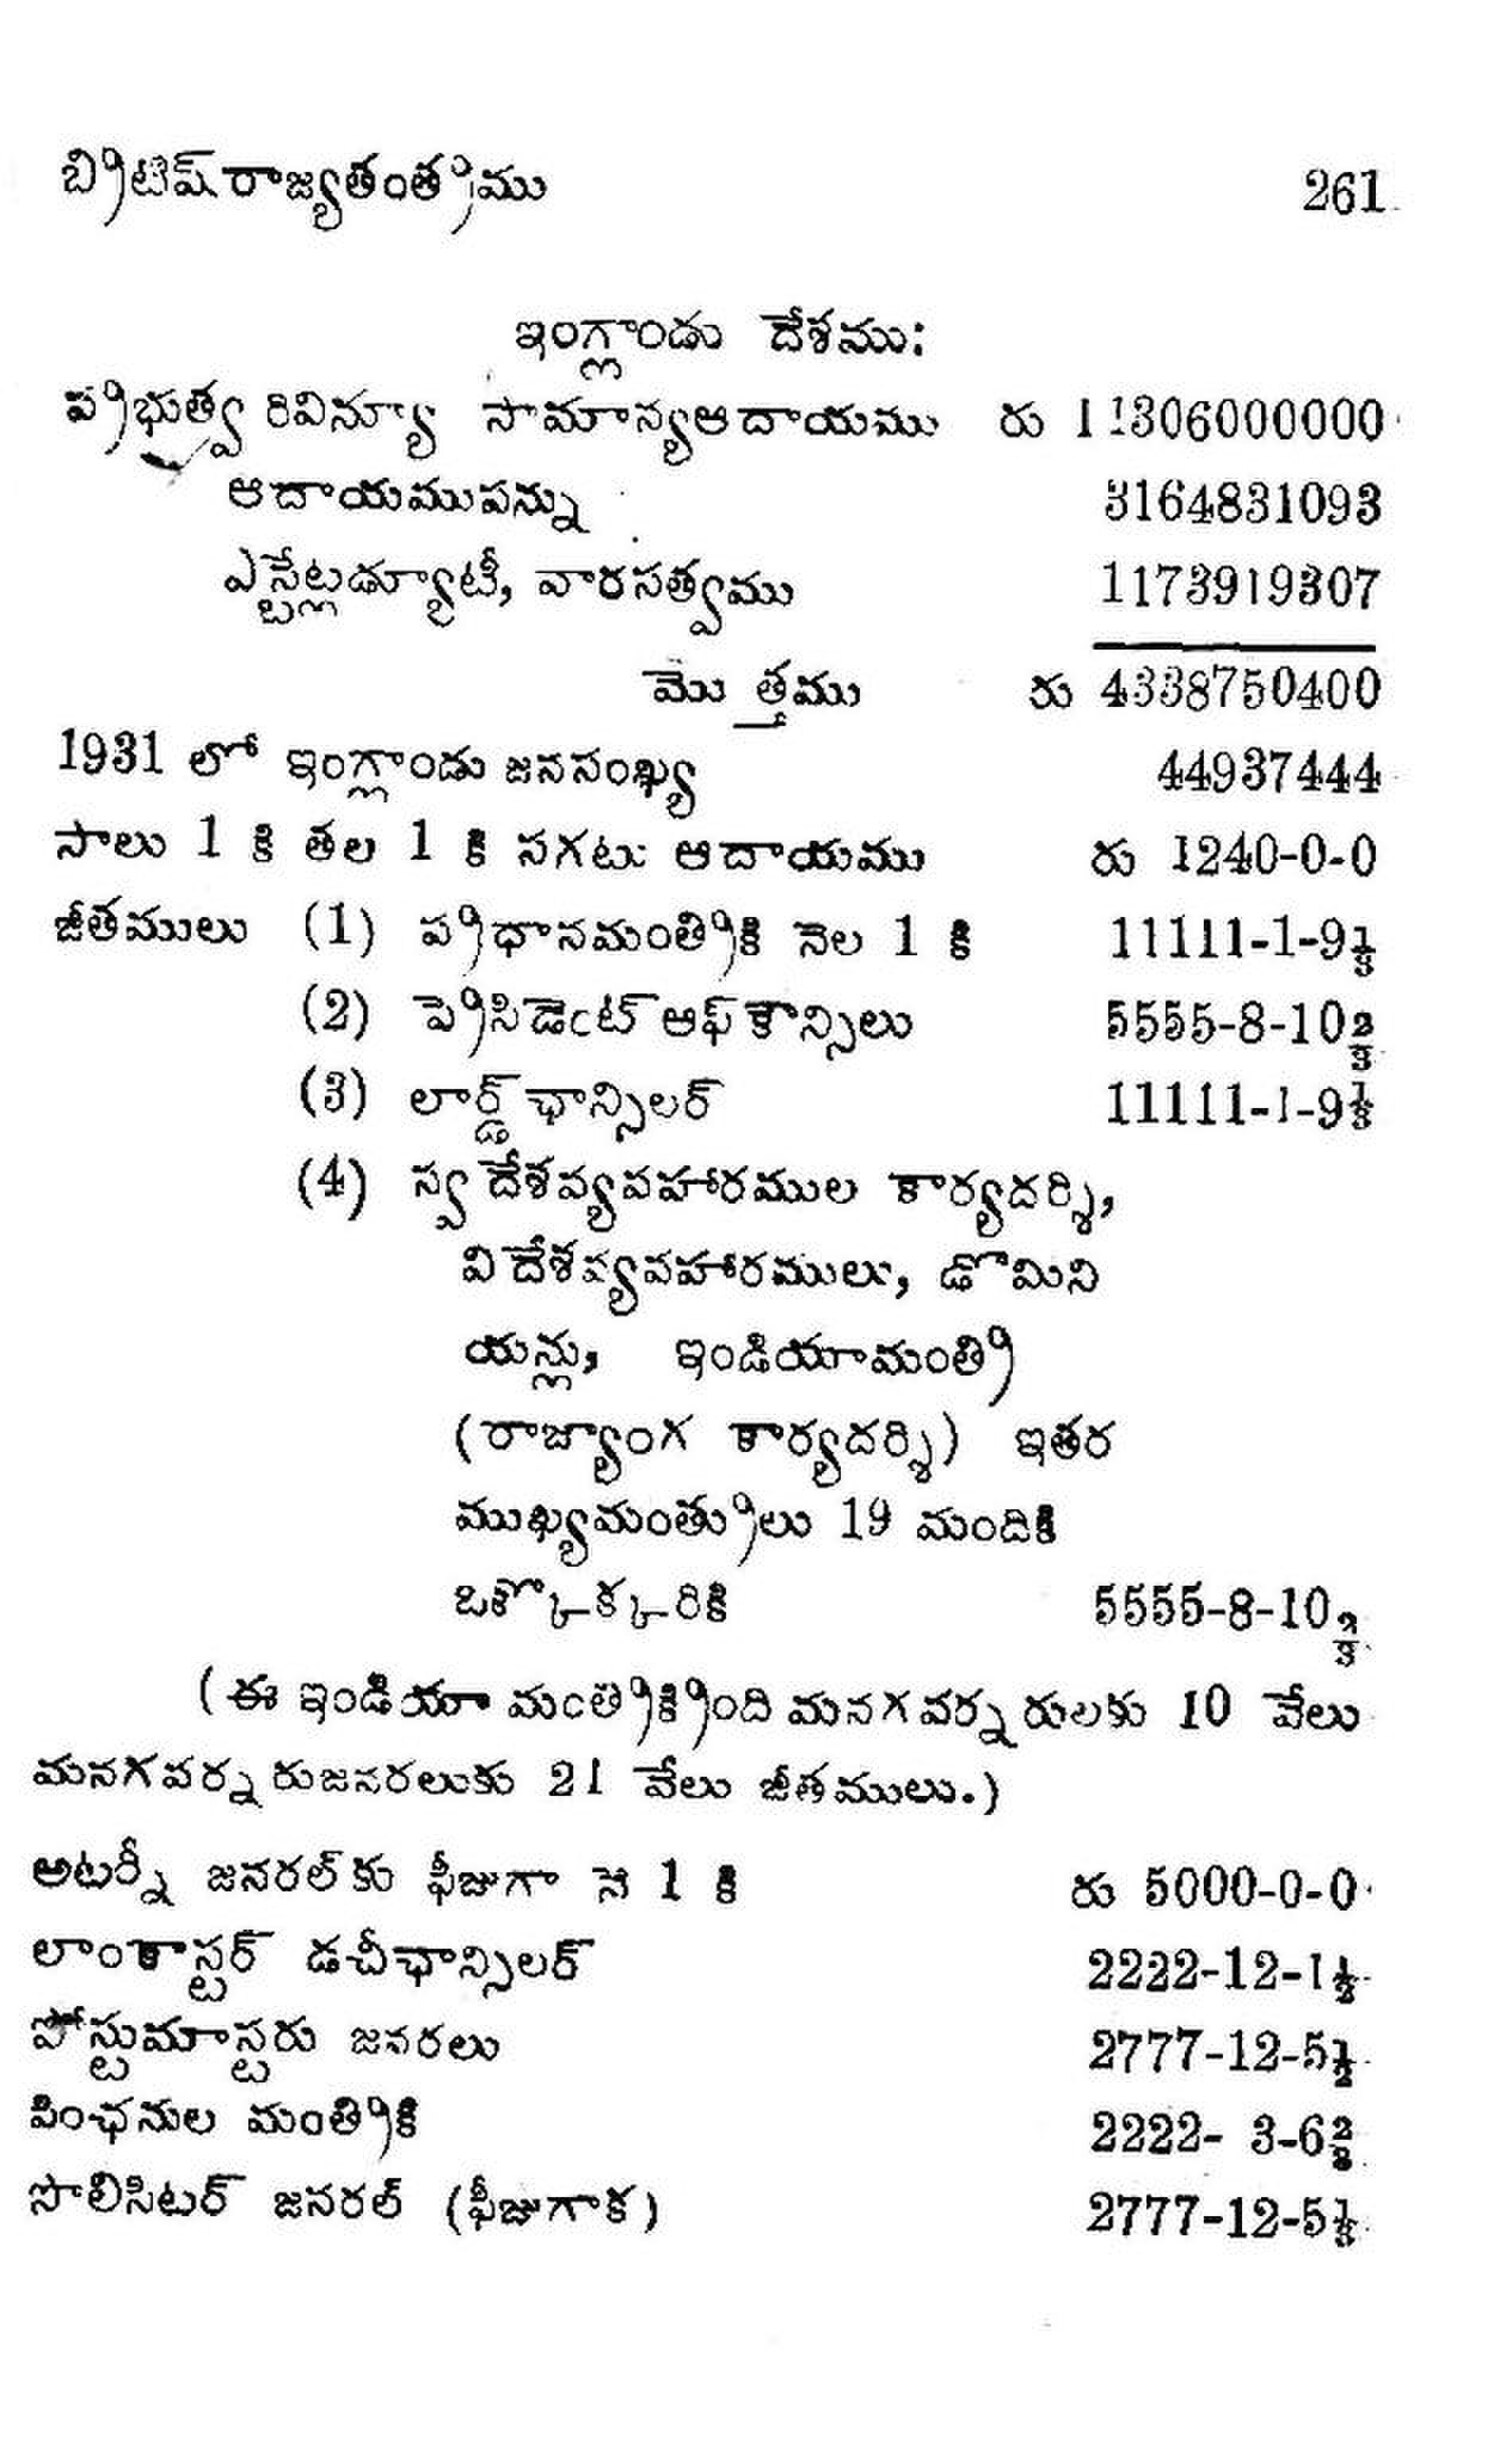ప్రభుత్వ రివిన్యూ సామాన్యఆదాయము రు. 11306000000 - ఆదాయముపన్ను 3164831093 - ఎస్టేట్లడ్యూటీ, వారసత్వము 1173919307 - మొత్తము రు. 4338750400

 1931 లో ఇంగ్లాండు జనసంఖ్య 44937444 సాలు 1 కి తల 1 కి సగటు ఆదాయము రు. 1240-0-0 జీతములు (1) ప్రధానమంత్రికి నెల 1 కి 11111-1-9 1/3 (2) ప్రెసిండెంట్ ఆఫ్ కౌన్సిలు 5555-8-10 2/3 (3) లార్డ్ ఛాన్సిలర్ 11111-1-9 1/3 (4) స్వదేశవ్యవహారముల కార్యదర్శి, విదేశవ్యవహారములు, డొమినియన్లు, ఇండియామంత్రి (రాజ్యాంగ కార్యదర్శి) ఇతర ముఖ్యమంత్రులు 19 మందికి ఒక్కొక్కరికి 5555-8-10 2/3
(ఈ ఇండియామంత్రిక్రింది మనగవర్నరులకు 10 వేలు మనగవర్నరుజనరలుకు 21 వేలుజీతములు)
 అటర్నీ జనరల్‌కు ఫీజుగా నె 1 కి రు. 5000-0-0 లాంకాస్టర్ డచీఛాన్సిలర్ 2222-12-1 1/2 పోస్టుమాస్టరు జనరలు 2777-12-5 1/2 పింఛనుల మంత్రికి 2222-3-6 2/3 సొలిసిటర్ జనరల్ (ఫీజుగాక) 2777-12-5 1/3